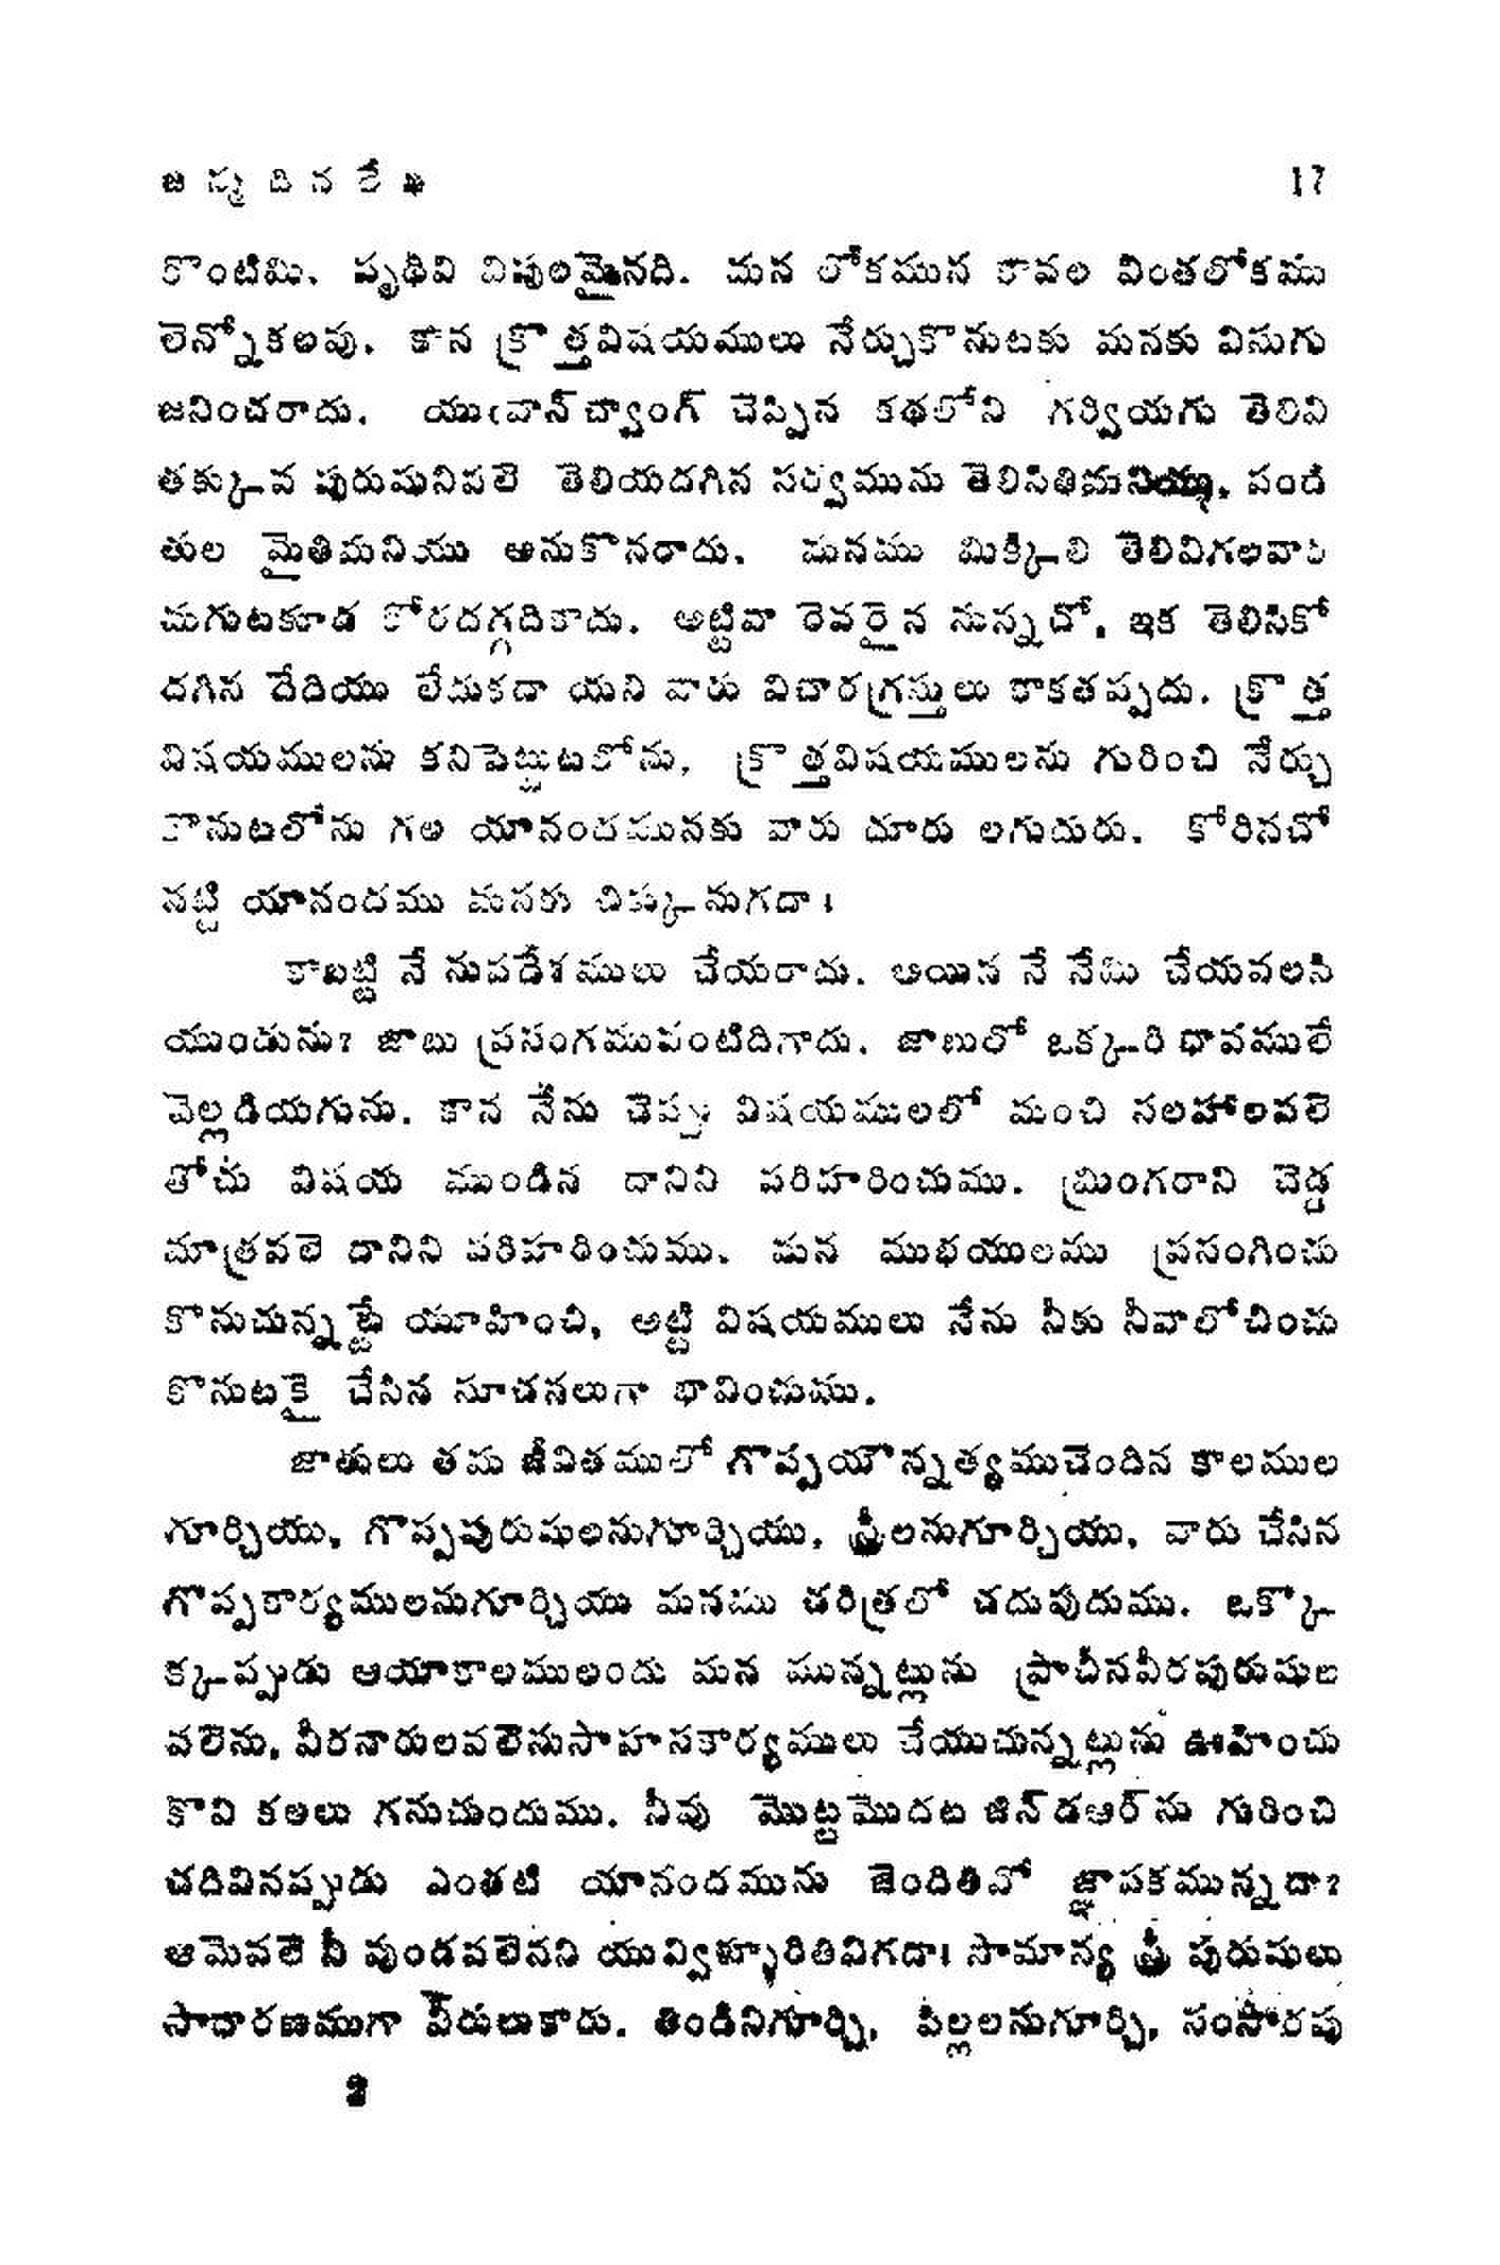కొంటిమి. పృథివి విపులమైనది. మన లోకమున కావల వింతలోకము లెన్నోకలవు. కాన క్రొత్త విషయములు నేర్చుకొనుటకు మనకు విసుగు జనించరాదు. యుఁవాన్‌చ్వాంగ్ చెప్పిన కథలోని గర్వియగు తెలివి తక్కువ పురుషునివలె తెలియదగిన సర్వమును తెలిసితిమనియు, పండితుల మైతిమనియు ఆనుకొనరాదు. మనము మిక్కిలి తెలివిగలవార మగుటకూడ కోరదగ్గదికాదు. అట్టివారెవరైన నున్నచో, ఇక తెలిసికో దగిన దేదియు లేదుకదా యని వారు విచారగ్రస్తులు కాకతప్పదు. క్రొత్త విషయములను కనిపెట్టుటలోను, క్రొత్తవిషయములను గురించి నేర్చు కొనుటలోను గల యానందమునకు వారు చూరు లగుదురు. కోరినచో నట్టి యానందము మనకు చిక్కునుగదా !

కాబట్టి నే నుపదేశములు చేయరాదు. అయిన నే నేమి చేయవలసి యుండును? జాబు ప్రసంగమువంటిది గాదు, జాబులో ఒక్కరి భావములే వెల్లడియగును. కాన నేను చెప్పు విషయములలో మంచి సలహాలవలె తోచు విషయ ముండిన దానిని పరిహరించుము. మ్రింగరాని చెడ్డ మాత్రవలె దానిని పరిహరించుము. మన ముభయులము ప్రసంగించు కొనుచున్నట్టే యూహించి, అట్టి విషయములు నేను నీకు నీవాలోచించు కొనుటకై చేసిన సూచనలుగా భావించుము.

జాతులు తమ జీవితములో గొప్పయౌన్నత్యముచెందిన కాలముల గూర్చియు, గొప్పపురుషులనుగూర్చియు, స్త్రీలనుగూర్చియు, వారు చేసిన గొప్ప కార్యములనుగూర్చియు మనము చరిత్రలో చదువుదుము. ఒక్కోక్కప్పుడు ఆయాకాలములందు మన మున్నట్లును ప్రాచీనవీరపురుషుల వలెను. వీరనారులవలెనుసాహసకార్యములు చేయుచున్నట్లును ఊహించు కొని కలలు గనుచుందుము. నీవు మొట్ట మొదట జిన్‌డఆర్ ను గురించి చదివినప్పుడు ఎంతటి యానందమును జెందితివో జ్ఞాపకమున్నదా? ఆమెవలె నీ వుండవలెనని యువ్విళ్ళూరితివిగదా! సామాన్య స్త్రీ పురుషులు సాధారణముగా వీరులుకారు. తిండినిగూర్చి, పిల్లలనుగూర్చి, సంసారపు